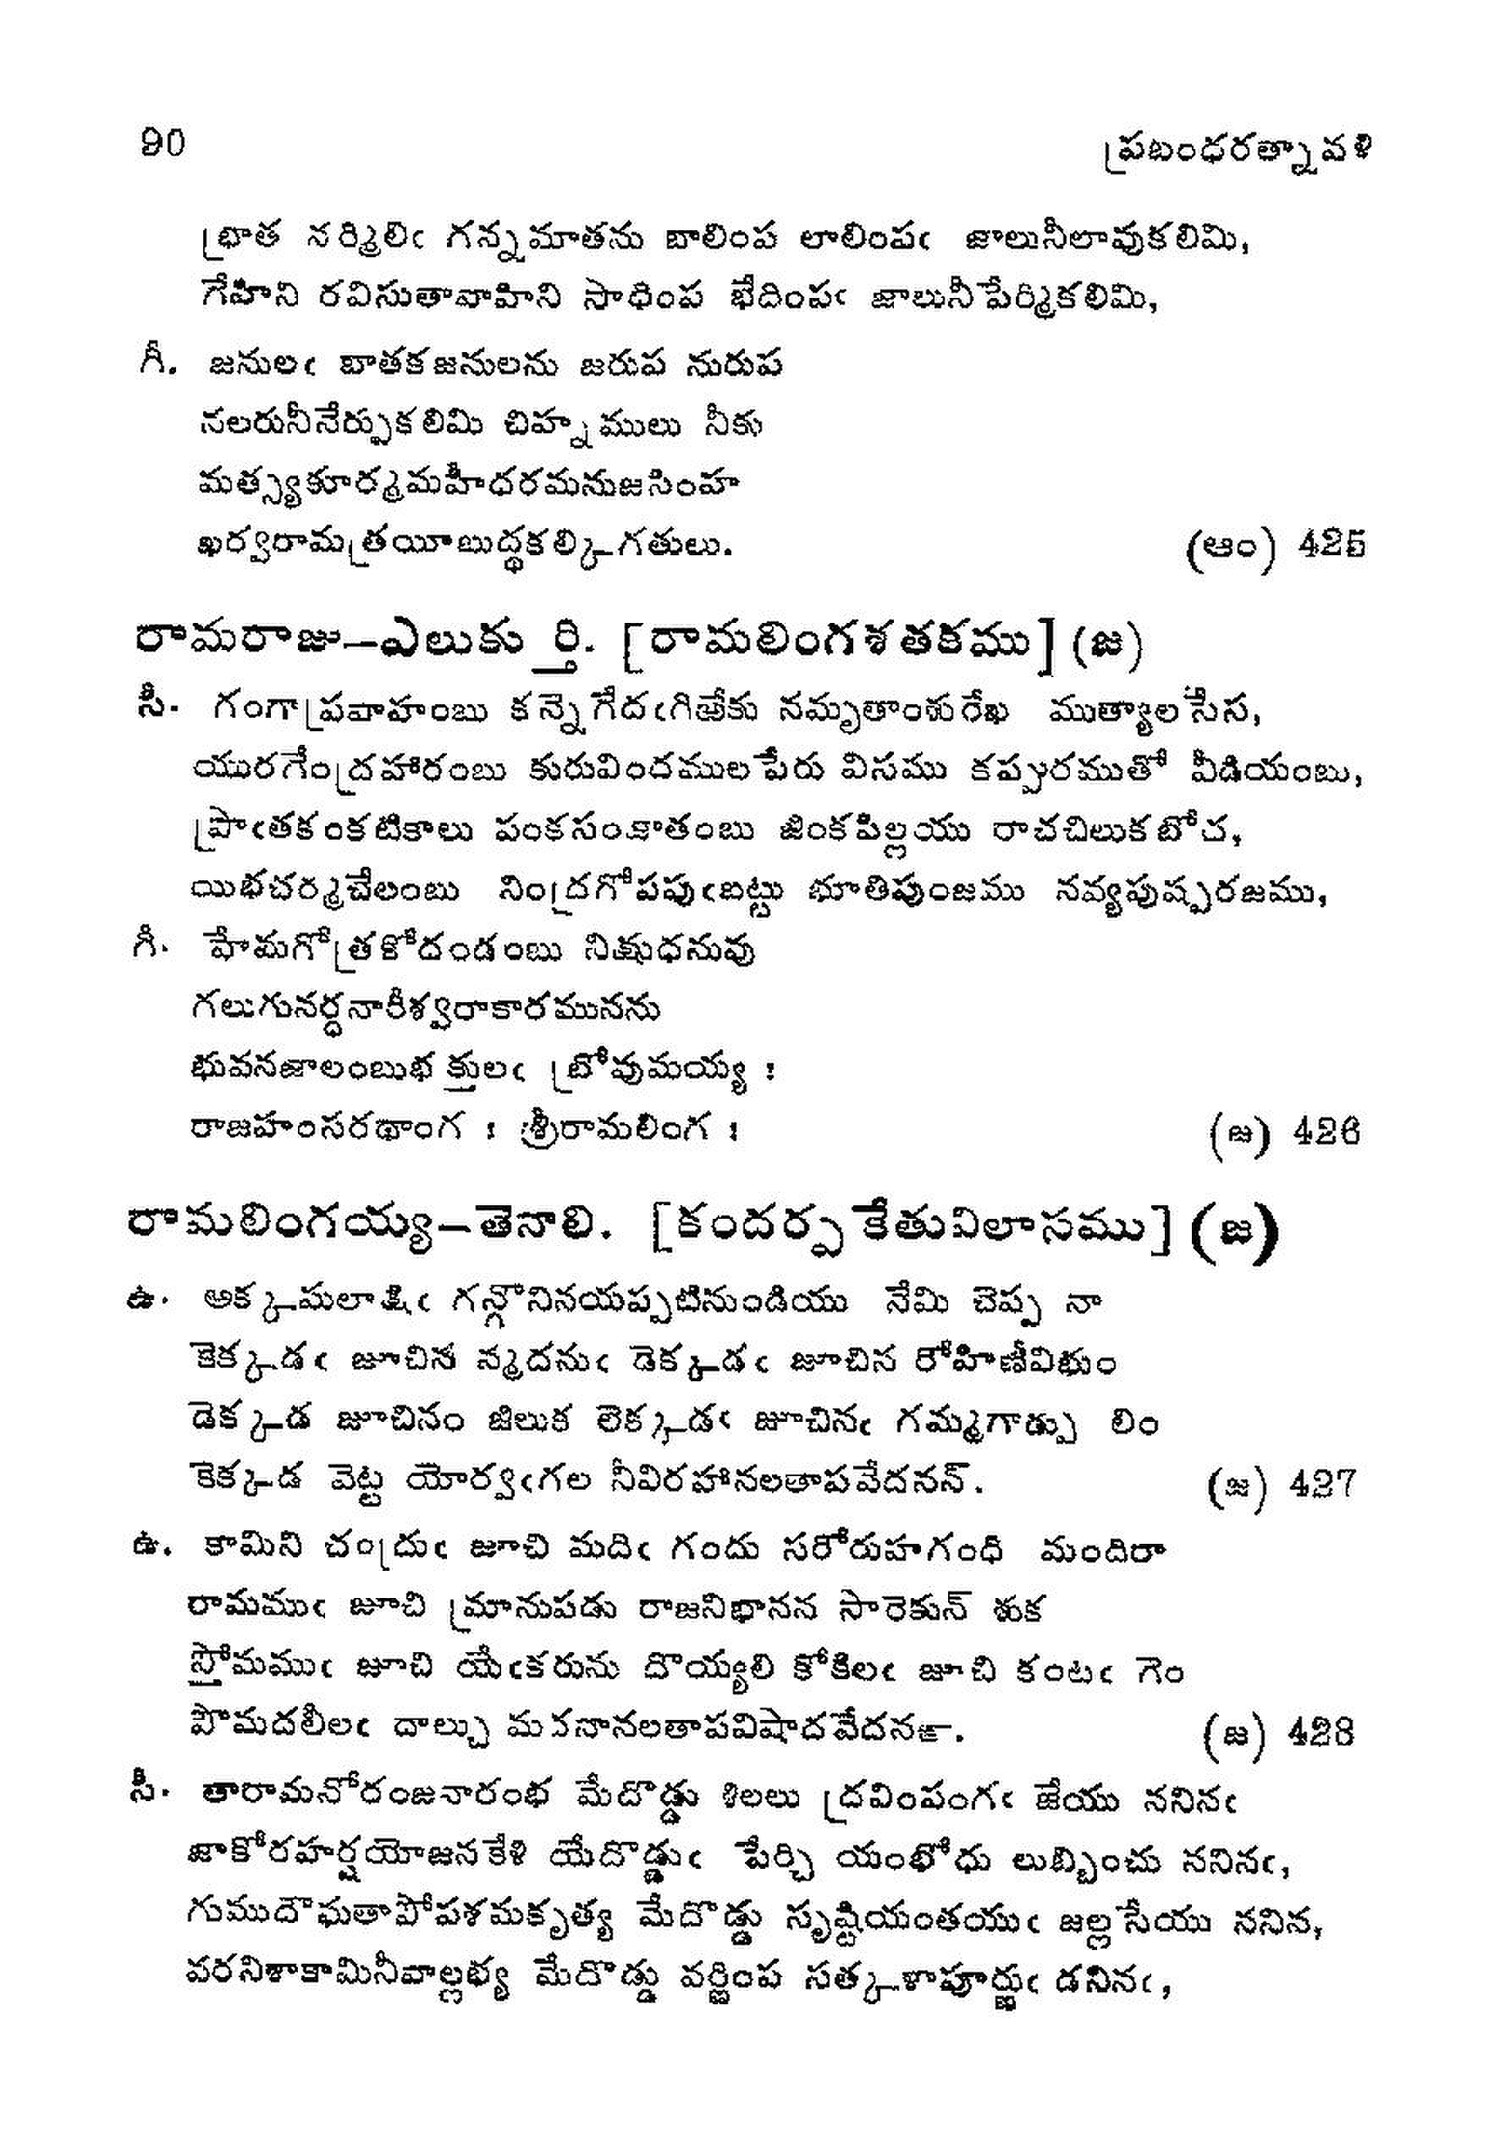భ్రాత నర్మిలిఁగన్నమాతనుఁ బాలింప లాలింపఁ జాలు నీ లావుకలిమి,
గేహిని రవిసుతావాహిని సాధింప భేదింపఁ జాలు నీ పేర్మికలిమి,
తే. జనులఁ బాతకజనులను జరుప నురుప
నలరు నీ నేర్పుకలిమి చిహ్నములు నీకు
మత్స్యకూర్మమహీధరమనుజసింహ
ఖర్వరామత్రయీ బుద్ధకల్కి గతులు. (ఆం) 425

రామరాజు, ఎలుకుర్తి [రామలింగశతకము] (జ)
సీ. గంగాప్రవాహంబు కన్నెగేదఁగిఱేకు నమృతాంశురేఖ ముత్యాలసేస,
యురగేంద్రహారంబు కురువిందములపేరు విసము కప్పురముతో వీడియంబు,
ప్రాఁతకంకటికాలు పంకసంజాతంబు జింకపిల్లయు రాచచిలుకబోద,
యిభచర్మచేలంబు నింద్రగోపపుఁబట్టు భూతిపుంజము నవ్యపుష్పరజము,
తే. హేమగోత్రకోదండంబు నిక్షుధనువు
గలుగునర్థనారీశ్వరాకారమునను
భువనజాలంబుభక్తులఁ బ్రోవుమయ్య
రాజహంసరథాంగ! శ్రీరామలింగ! (జ) 426

రామలింగయ్య, తెనాలి [కందర్పకేతువిలాసము] (జ)
ఉ. అక్కమలాక్షిఁ గన్గొనినయప్పటినుండియు నేమి చెప్ప నా
కెక్కడఁ జూచినన్ మదనుఁడెక్కడఁ జూచిన రోహిణీవిభుం
డెక్కడఁ జూచినx జిలుక లెక్కడఁ జూచినఁ గమ్మగాడ్పు లిం
కెక్కడ వెట్ట యోర్వఁగల నీ విరహానలతాపవేదనన్. (జ) 427

ఉ. కామిని చంద్రుఁ జూచి మదిఁ గందు సరోరుహగంధి మంది రా
రామముఁ జూచి మ్రానుపడు రాజనిభానన సారెకున్ శుక
స్తోమముఁ జూచి యేఁకరును దొయ్యలి కోకిలఁ జూచి కంటఁ గెం
పౌ మదలీలఁదాల్చు మదనానలతాపవిషాదవేదనన్. (జ) 428

సీ. తారామనోరంజనారంభ మే దొడ్డు శిలలు ద్రవింపంగఁ జేయుననినఁ
జాకోరహర్షయోజనకేలి యేదొడ్డు పేర్చి యంభోధు లుబ్బించు ననినఁ
గుముదౌఘతాపోపశమకృత్య మేదొడ్డు సృష్టియంతయుఁ జల్లసేయుననిన
వరనిశాకామినీవాల్లభ్య మేదొడ్డు వర్ణింప సత్కళాపూర్ణుఁ డనినఁ